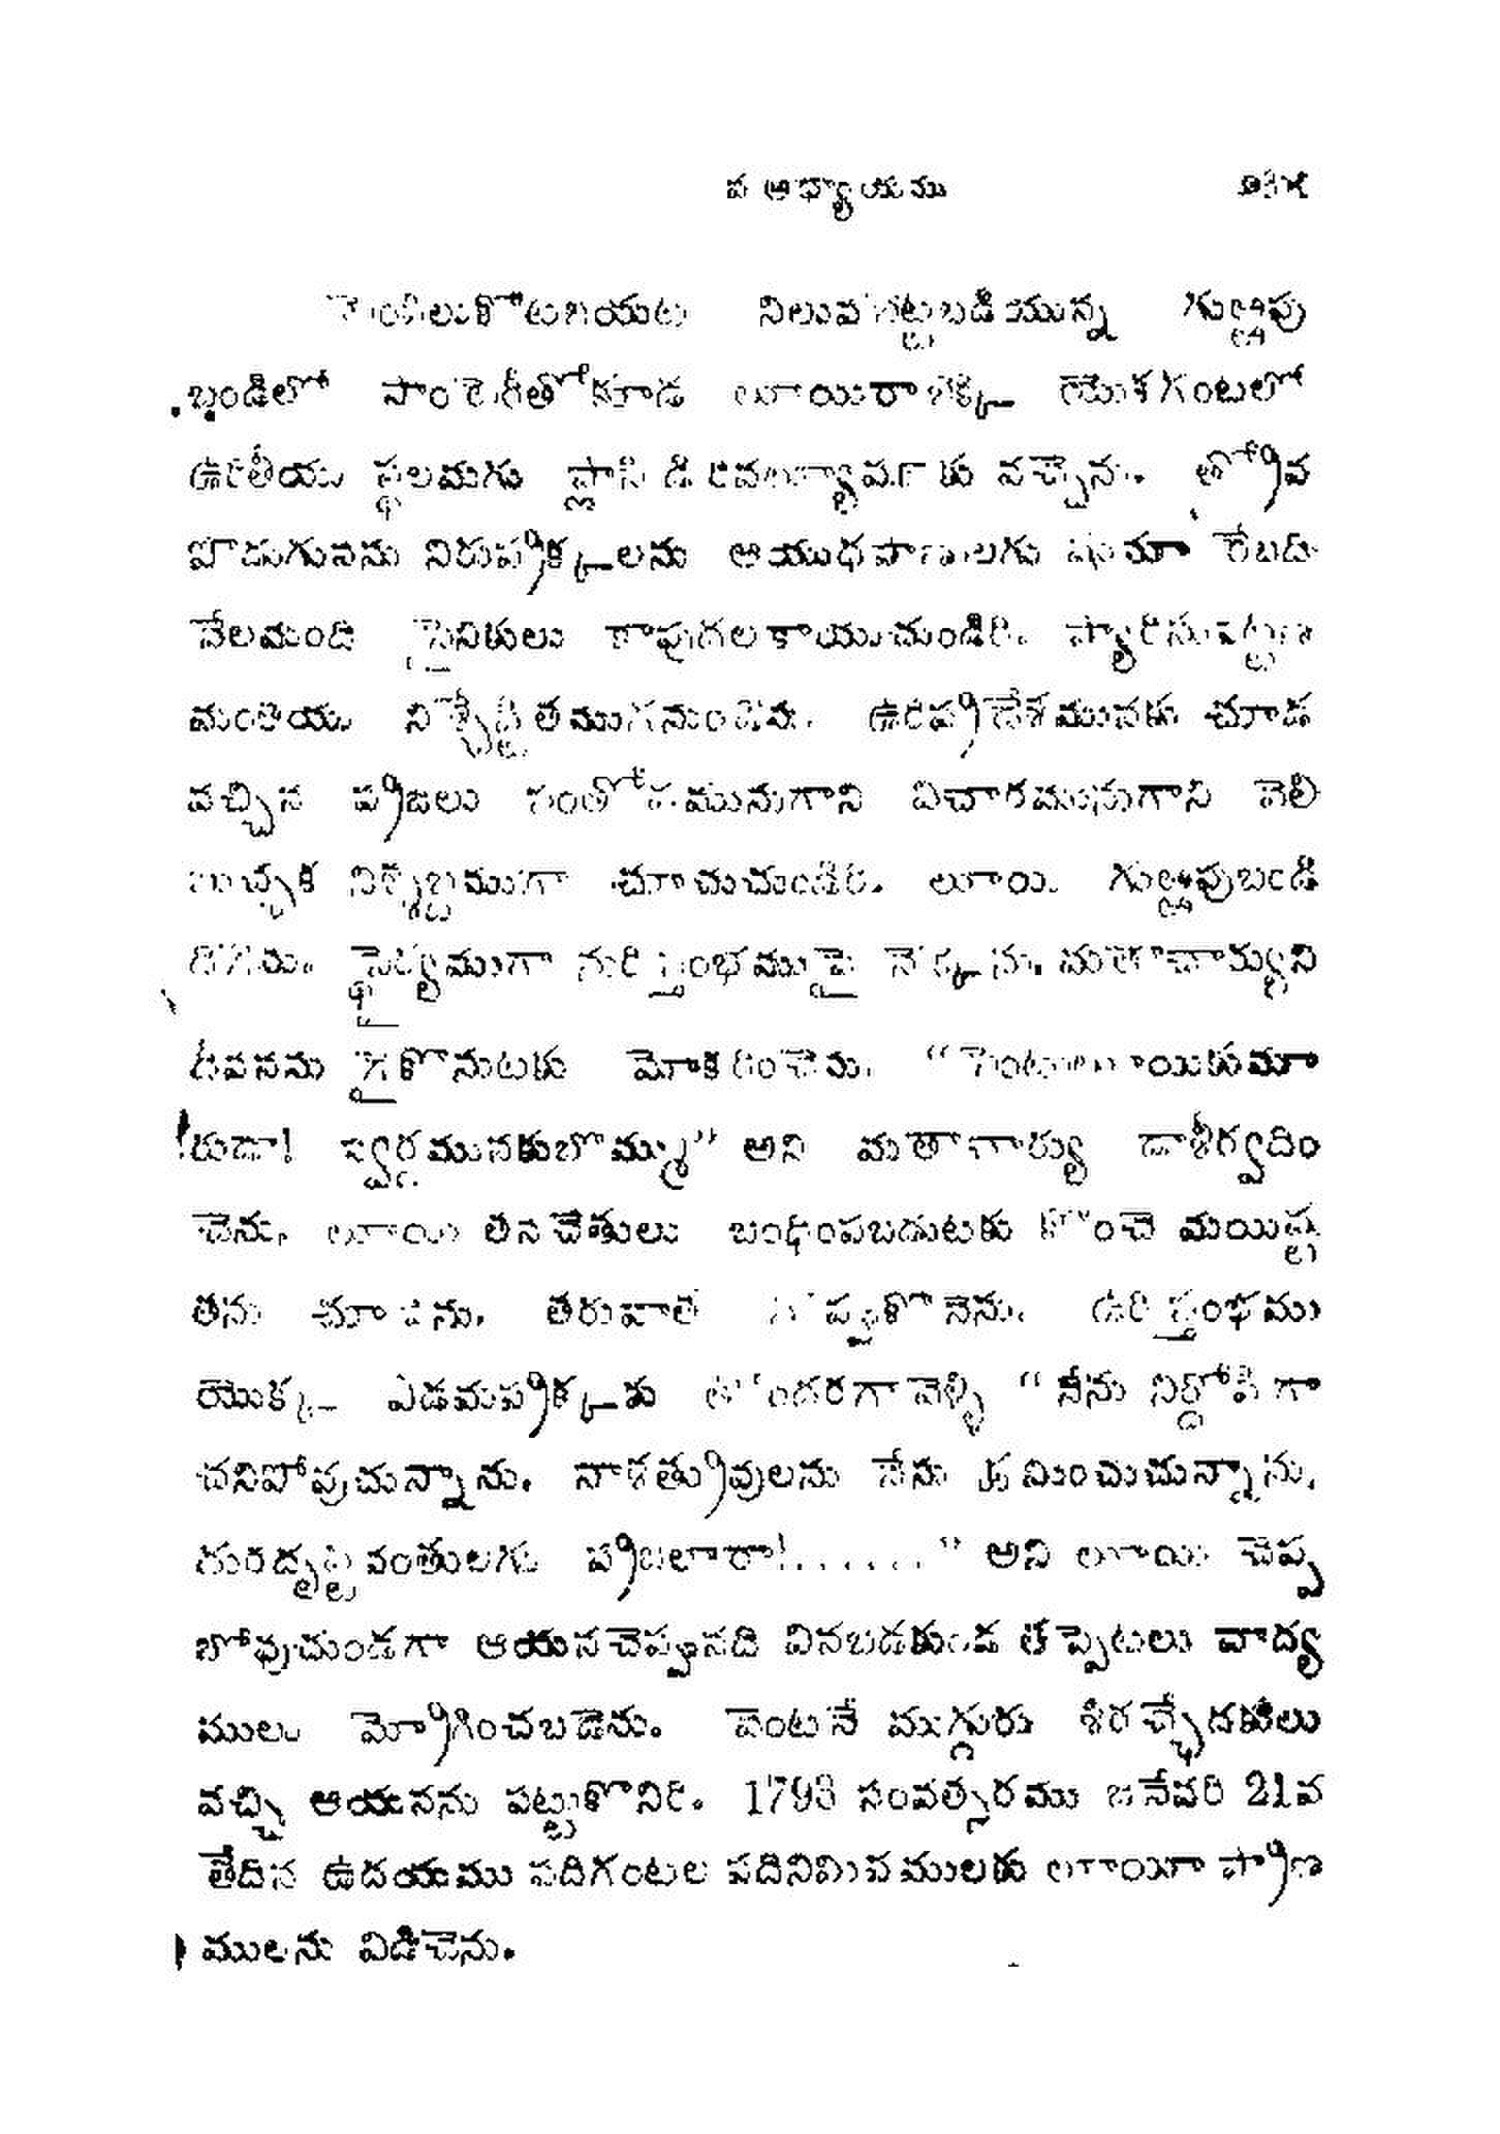టెంపిలు కోట బయట నిలువ పెట్ట బడి యున్న గుర్రపు బండిలో
సాంటెరితొ కూడ లూయీ రాజెక్కి యొక గంటలో ఉరి తీయు స్తలమగు
ప్లాసిడివల్యూషన్ కు వచ్చెను. త్రోవ పొడుగున నిరు ప్రక్కలను ఆయుధ
పాణులగు షుమారేబది వేల మంది సైనికులు కాపుదల కాయు చుండిరి. 
ప్యారిసు పట్టణమంతయు నిశ్చేష్టితముగ నుండెను. ఉరి ప్రదేశమునకు 
చూడ వచ్చిన ప్రజలు సంతోషము గాని, విచారమును గాని వెలి 
బుచ్చక నిశ్శబ్దముగా చూచు చుండిరి. లూయీ గుర్రపు బండి దిగెను.
స్థైర్యముగా నురి స్థంభముపై నెక్కెను. మతాచార్యుని దీవనను గైకొనుటకు 
మోకరించెను. "సెంటు లూయీ కుమారుడా స్వర్గమునకు బొమ్ము"
అని మతాచార్యు డాశీర్వదించెను. లూయి తన చేతులు బంధింప బడుటకు 
కొంచెమయిష్టతను చూపెను. తరువాత నొప్పుకొనెను. ఉరి స్థంభము యొక్క
ఎడమ ప్రక్కకు తొందరగా వెళ్ళి "నేను నిర్దోషిగా చని పోవు చున్నాను. 
నాశత్రువులను నేను క్షమించు చున్నాను. దురదృష్టవంతులగు 
ప్రజలారా............... " అని లూయి చెప్ప బోవు చుండగా ఆయన చెప్పునది 
వినబడకుండ తప్పెటలు వాద్యములు మ్రోగించబడెను. వెంటనే ముగ్గురు 
శిరచ్చేదకులు వచ్చి ఆయనను పట్టుకొనిరి. 1793 వ సంవత్సరము జనవరి 
21 వ తేదీన ఉదయము పది గంటల పదినిముషములకు లూయీ 
ప్రాణములను విడిచెను.